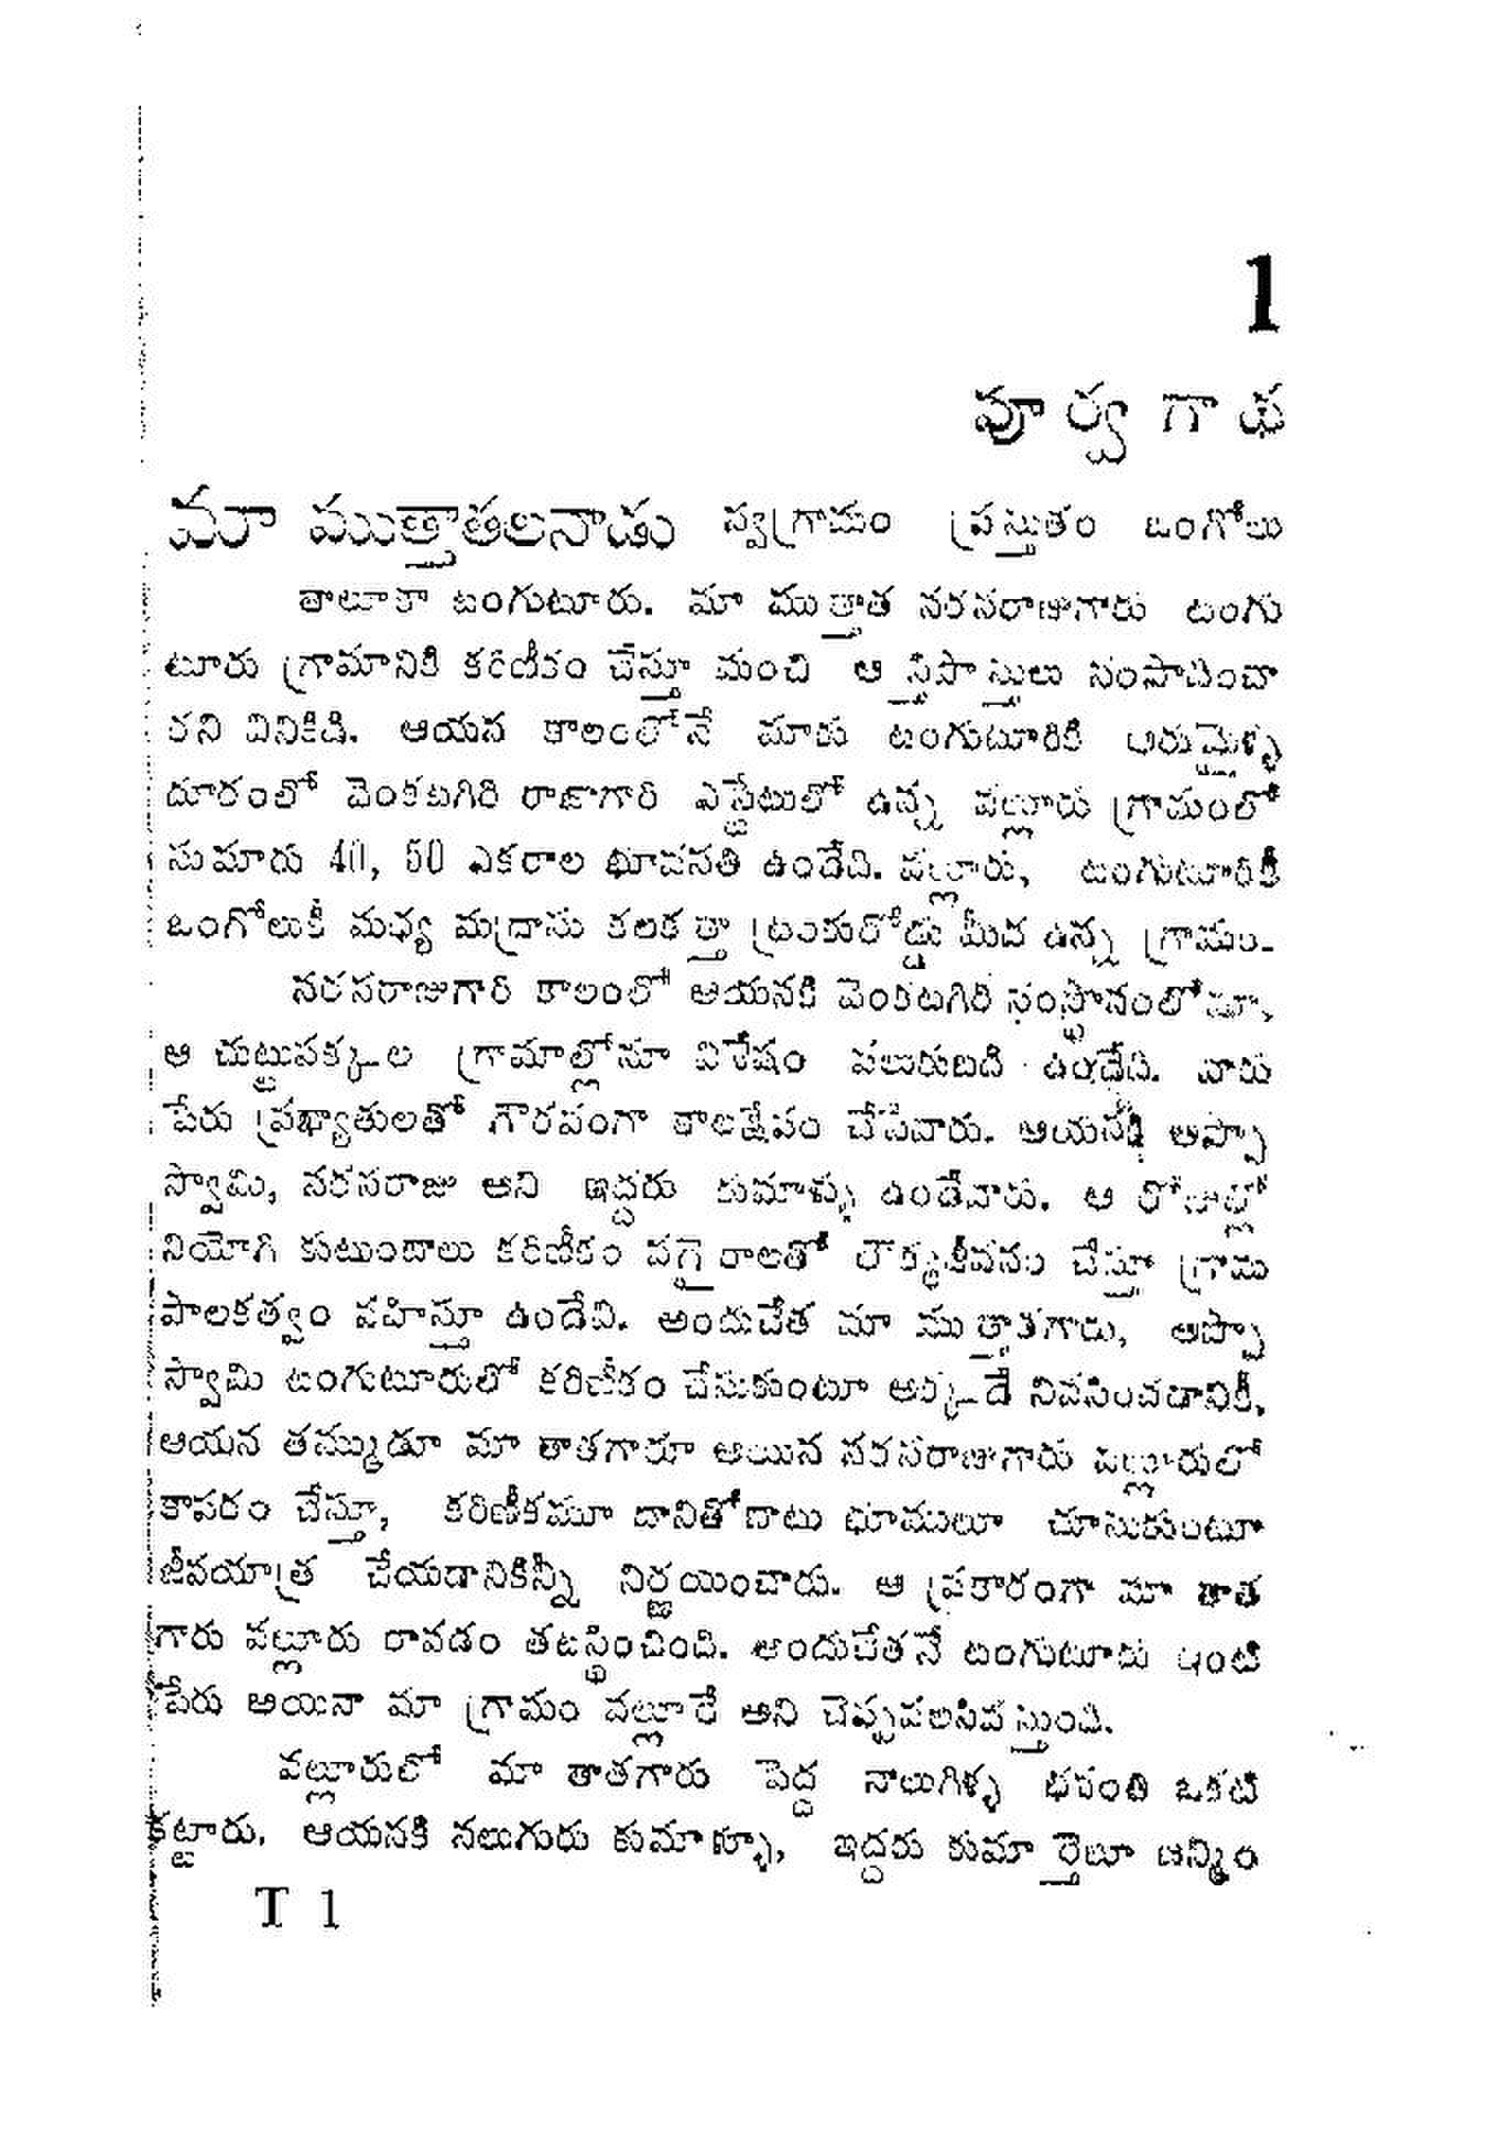మా ముత్తాతలనాడు స్వగ్రామం ప్రస్తుతం ఒంగోలు తాలూకా టంగుటూరు. మా ముత్తాత నరసరాజు గారు కరణీకం చేస్తూ మంచి ఆస్తిపాస్తులు సంపాదించారని వినికిడి. ఆయన కాలంలోనే మాకు టంగుటూరికి ఆరు మైళ్ళ దూరంలో వెంకటగిరి రాజాగారి ఎస్టేటులో ఉన్న వల్లూరు గ్రామంలో సుమారు 40, 50 ఎకరాల భూవసతి ఉండేది. వల్లూరు, టంగుటూరికీ ఒంగోలుకీ మధ్య మద్రాసు కలకత్తా ట్రంకురోడ్డు మీద ఉన్న గ్రామం.

నరసరాజుగారి కాలంలో ఆయనకి వెంకటగిరి సంస్థానంలోనూ, ఆ చుట్టుపక్కల గ్రామాల్లోనూ విశేషం పలుకుబడి ఉండేది. వారు పేరు ప్రఖ్యాతులలో గౌరవంగా కాలక్షేపం చేసేవారు. ఆయనకు అప్పాస్వామి, నరసరాజు అని ఇద్దరు కుమాళ్ళు ఉండేవారు. ఆ రోజుల్లో నియోగి కుటుంబాలు కరిణీకం వగైరాలతో లౌక్యజీవనం చేస్తూ గ్రామ పాలకత్వం వహిస్తూ ఉండేవి. అందుచేత మా ముత్తాతగారు, అప్పాస్వామి టంగుటూరులో కరిణీకం చేసుకుంటూ అక్కడే నివసించడానికీ, ఆయన తమ్ముడూ మా తాతగారూ అయిన నరసరాజు వల్లూరులో కాపరం చేస్తూ, కరిణీకమూ దానితోపాటు భూములు చూసుకుంటూ జీవయాత్ర చేయడానికిన్నీ నిర్ణయించారు. ఆ ప్రకారంగా మా తాతగారు వల్లూరు రావడం తటస్థించింది. అందుచేతనే టంగుటూరు ఇంటిపేరు అయినా మా గ్రామం వల్లూరే అని చెప్పవలసి వస్తుంది.

వల్లూరులో మా తాతగారు పెద్ద నాలుగిళ్ళ భవంతి ఒకటి కట్టారు. ఆయనకి నలుగురు కుమాళ్ళూ, ఇద్దరు కుమార్తెలు జన్మిం